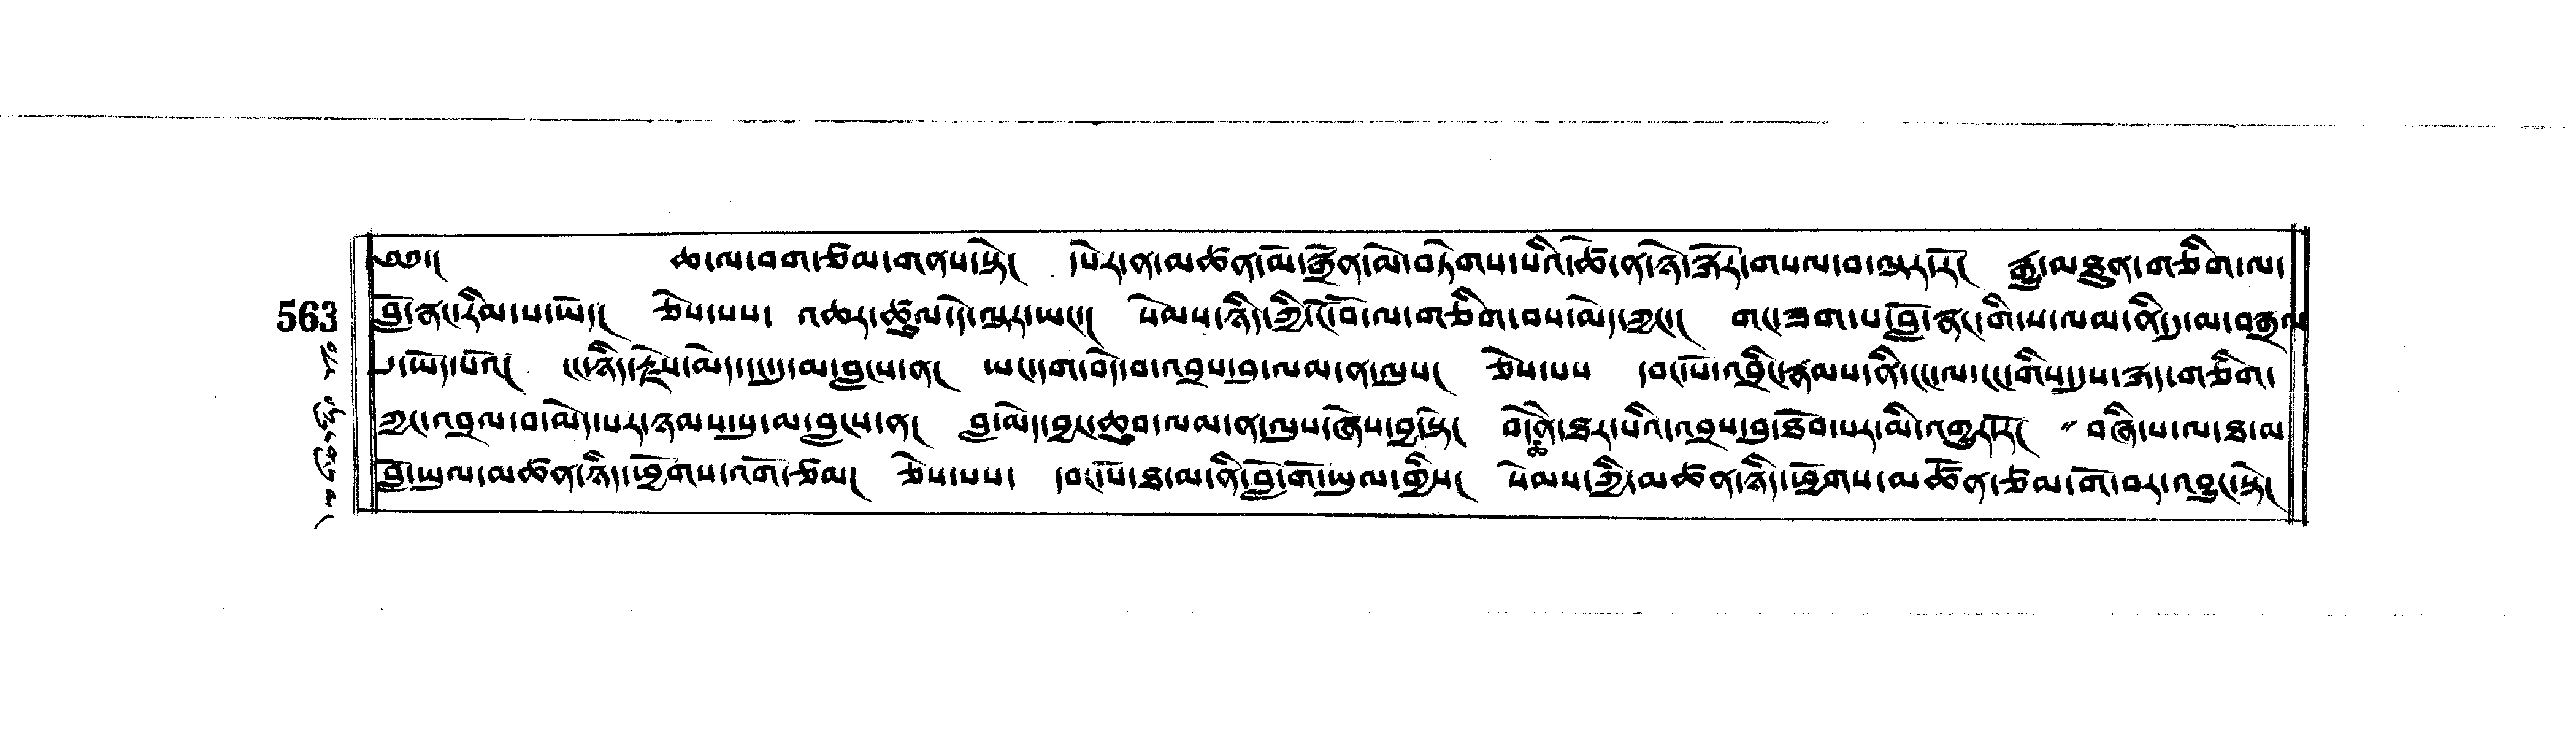ཆ་ལ་བག་ཙམ་གནས་སྟེ། དཔེར་ན་མཚན་མོ་སྒྲོན་མེ་བཏེགས་པའི་ཚེ་ན་ཉེ་སྐོར་གསལ་བ་ལྟར་རོ། རྒྱུ་མཐུན་གཅིག་ལ་
བློ་སྣང་རིམ་པ་ཡོད། ཅེས་པས། འཆར་ཚུལ་དེ་ལྟར་ཡང་སེམས་ཉིད་ཀྱི་ངོ་བོ་ལ་གཅིག་བས་མེད་ཀྱང་། གང་ཟག་པ་བློ་སྣང་གི་ས་ལམ་ནི་དུ་མ་བསྒྲལ་
དུ་ཡོད་པའོ། ངང་ཉིད་རྗེས་མེད་དང་དུ་མ་བླང་ན། ཡང་དག་བདེ་བ་འབྲས་བུ་ལམ་ན་ལུས། ཅེས་པས། དབང་པོ་འབྲིང་རྣམས་ནི་ངང་ལ་ངང་གིས་དུས་སྐད་ཅིག་
ཀྱང་འབྲལ་བ་མེད་པར་ཉམས་སུ་མ་བླང་ན། བླ་མེད་བྱང་ཆུབ་ལམ་ན་ལུས་ཞེས་བྱ་སྟེ་བདེ་ཆེན་ཐར་པའི་འབྲས་བུ་ཐོབ་པར་མི་འགྱུར་རོ། ༧ བཞི་པ་ལ་ཐ་མ་
བློ་ཡུལ་མཚན་ཉིད་ཕྱོགས་འགོ་ཙམ། ཅེས་པས། དབང་པོ་ཐ་མ་ནི་བློ་ཡུལ་གྱིས། སེམས་ཀྱི་མཚན་ཉིད་ཕྱོགས་མཚོན་ཙམ་གོ་བར་འབྱུང་སྟེ།